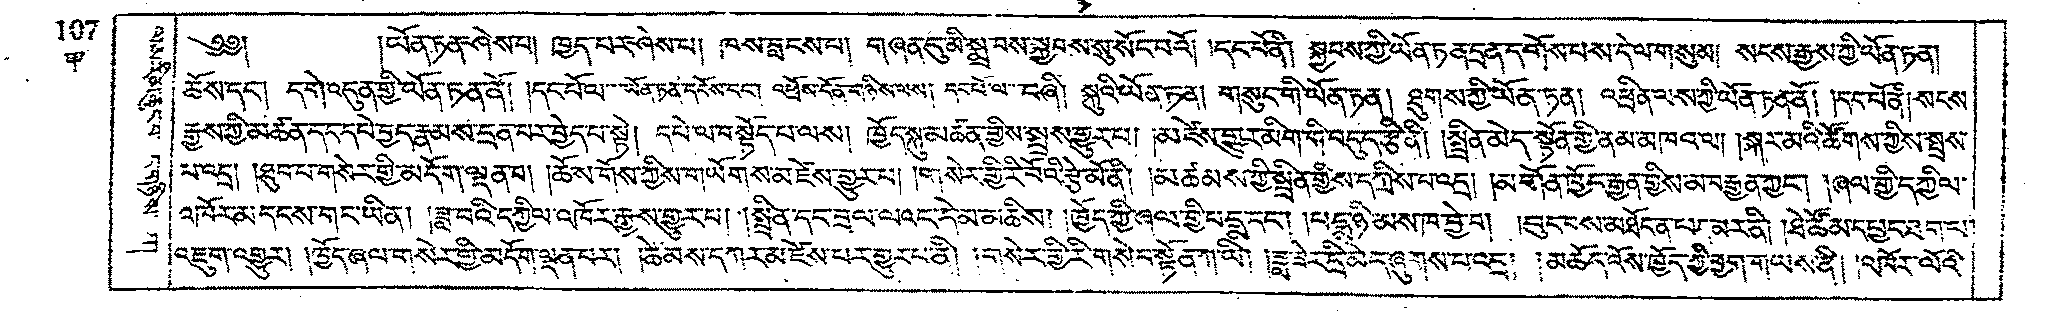༄༅། །ཡོན་ཏན་ཤེས་པ། ཁྱད་པར་ཤེས་པ། ཁས་བླངས་པ། གཞན་དུ་མི་སྨྲ་བས་སྐྱབས་སུ་སོང་བའོ། །དང་པོ་ནི། སྐྱབས་ཀྱི་ཡོན་ཏན་དྲན་དགོས་པས་དེ་ལ་གསུམ། སངས་རྒྱས་ཀྱི་ཡོན་ཏན།
ཆོས་དང་། དགེ་འདུན་གྱི་ཡོན་ཏན་ནོ། །དང་པོ་ལཡོན་ཏན་དངོས་དང་། འཕྲོས་དོན་གཉིས་ལས། དང་པོ་ལབཞི། སྐུའི་ཡོན་ཏན། གསུང་གི་ཡོན་ཏན། ཐུགས་ཀྱི་ཡོན་ཏན། འཕྲིན་ལས་ཀྱི་ཡོན་ཏན་ནོ། །དང་པོ་ནི། སངས་
རྒྱས་ཀྱི་མཚན་དང་དཔེ་བྱད་རྣམས་དྲན་པར་བྱེད་པ་སྟེ། དཔེ་ལ་བསྟོད་པ་ལས། ཁྱོད་སྐུ་མཚན་གྱིས་སྤྲས་གྱུར་པ། །མཛེས་གྱུར་མིག་གི་བདུད་རྩི་ནི། །སྤྲིན་མེད་སྟོན་གྱི་ནམ་མཁའ་ལ། །སྐར་མའི་ཚོགས་ཀྱིས་སྤྲས་
པ་འདྲ། །ཐུབ་པ་གསེར་གྱི་མདོག་ལྡན་པ། །ཆོས་གོས་ཀྱིས་གཡོགས་མཛེས་གྱུར་པ། །གསེར་གྱི་རི་བོའི་རྩེ་མོ་ནི། །མཚམས་ཀྱི་སྤྲིན་གྱིས་དཀྲིས་པ་འདྲ། །མགོན་ཁྱོད་རྒྱན་གྱིས་མ་བརྒྱན་ཀྱང་། །ཞལ་གྱི་དཀྱིལ་
འཁོར་མདངས་གང་ཡིན། །ཟླ་བའི་དཀྱིལ་འཁོར་རྒྱས་གྱུར་པ། །སྤྲིན་དང་བྲལ་ལའང་དེ་མ་མཆིས། །ཁྱོད་ཀྱི་ཞལ་གྱི་པདམ་དང་། །པདམ་ཉི་མས་ཁ་བྱེ་བ། །བུང་བས་མཐོང་ན་པད་མར་ནི། །ཐེ་ཚོམ་དཔྱང་ཐག་ལ་
འཇུག་འགྱུར། །ཁྱོད་ཞལ་གསེར་གྱི་མདོག་ལྡན་པར། །ཚེམས་དཀར་མཛེས་པར་གྱུར་པ་ནི། །གསེར་གྱི་རི་གསེབ་སྟོན་ཀ་ཡི། །ཟླ་ཟེར་དྲི་མེད་ཞུགས་པ་འདྲ། །མཆོད་འོས་ཁྱོད་ཀྱི་ཕྱག་གཡས་ནི། །འཁོར་ལོའི་